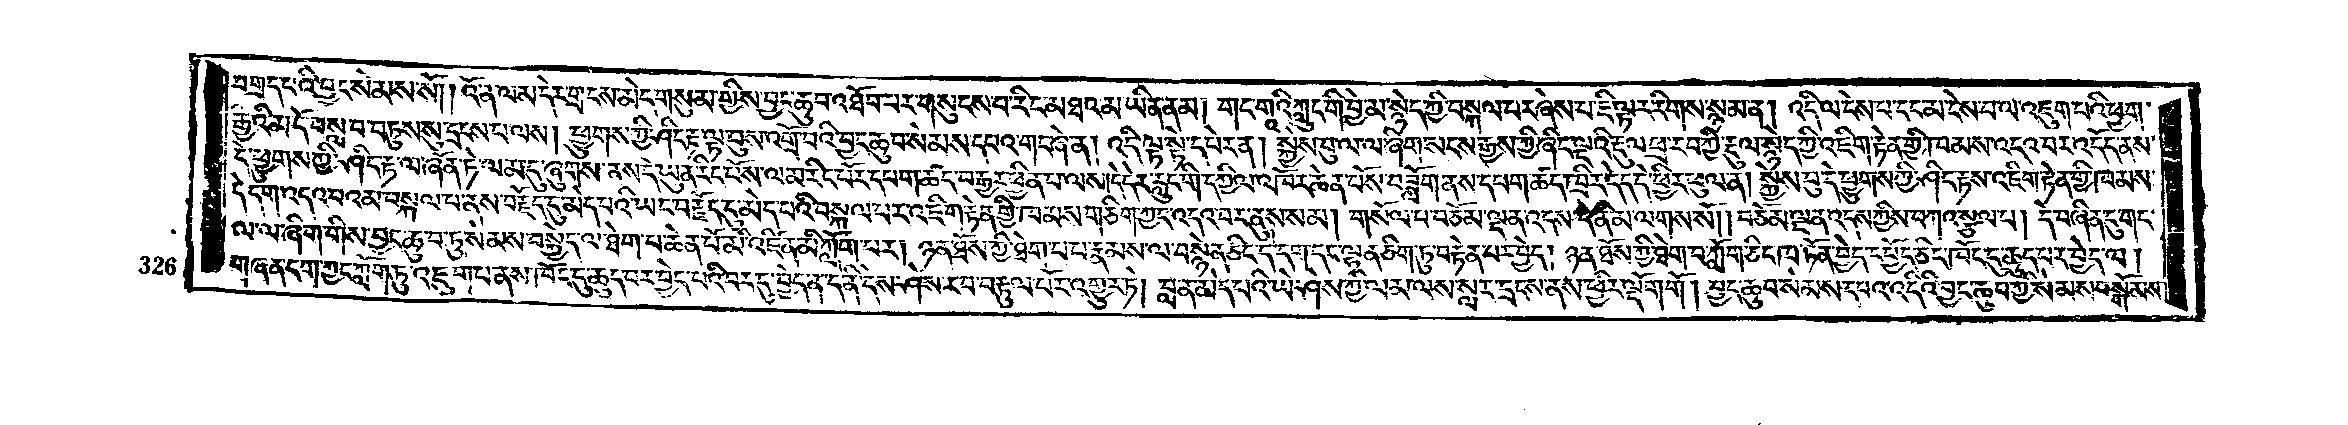བགྲད་པའི་བྱང་སེམས་སོ། །འོ་ན་ལམ་དེར་གྲངས་མེད་གསུམ་གྱིས་བྱང་ཆུབ་འཐོབ་པར་གསུངས་པ་རིང་མཐའ་མ་ཡིན་ནམ། གང་གཱའི་ཀླུང་གི་བྱེ་མ་སྙེད་ཀྱི་བསྐལ་པར་ཞེས་པ་ཇི་ལྟར་རིགས་སྙམ་ན། འདི་ལ་ངེས་པ་དང་མ་ངེས་པ་ལ་འཇུག་པའི་ཕྱག་
རྒྱའི་མདོ་བསླབ་བཏུས་སུ་དྲངས་པ་ལས། ཕྱུགས་ཀྱི་ཤིང་རྟ་ལྟ་བུས་འགྲོ་བའི་བྱང་ཆུབ་སེམས་དཔའ་གང་ཞེ་ན། འདི་ལྟ་སྟེ་དཔེར་ན། སྐྱེས་བུ་ལ་ལ་ཞིག་སངས་རྒྱས་ཀྱི་ཞིང་ལྔའི་རྡུལ་ཕྲ་རབ་ཀྱི་རྡུལ་སྙེད་ཀྱི་འཇིག་རྟེན་གྱི་ཁམས་འདའ་བར་འདོད་ནས་
དེ་ཕྱུགས་ཀྱི་ཤིང་རྟ་ལ་ཞོན་ཏེ་ལམ་དུ་ཞུགས་ནས་དེ་ཡུན་རིང་པོས་ལམ་རིང་པོར་དཔག་ཚད་བརྒྱར་ཕྱིན་པ་ལས། དེ་དེར་རླུང་གི་དཀྱིལ་འཁོར་ཆེན་པོས་བཟློག་ནས་དཔག་ཚད་ཁྲིར་དེད་དེ་ཕྱིར་ཕུལ་ན། སྐྱེས་བུ་དེ་ཕྱུགས་ཀྱི་ཤིང་རྟས་འཇིག་རྟེན་གྱི་ཁམས་
དེ་དག་འདའ་བའམ་བསྐལ་པ་ནས་བརྗོད་དུ་མེད་པའི་ཡང་བརྗོད་དུ་མེད་པའི་བསྐལ་པར་འཇིག་རྟེན་གྱི་ཁམས་གཅིག་ཀྱང་འདའ་བར་ནུས་སམ། གསོལ་བ་བཅོམ་ལྡན་འདས་དེ་ནི་མ་ལགས་སོ། །བཅོམ་ལྡན་འདས་ཀྱིས་བཀའ་སྩལ་པ། དེ་བཞིན་དུ་གང་
ལ་ལ་ཞིག་གིས་བྱང་ཆུབ་ཏུ་སེམས་བསྐྱེད་ལ་ཐེག་པ་ཆེན་པོ་མི་འཛིན་མི་ཀློག་པར། ཉན་ཐོས་ཀྱི་ཐེག་པ་པ་རྣམས་ལ་བསྙེན་ཅིང་དེ་དག་དང་ལྷན་ཅིག་ཏུ་བརྟེན་པར་བྱེད། ཉན་ཐོས་ཀྱི་ཐེག་པ་ཀློག་ཅིང་ཁ་ཏོན་བྱེད་དཔྱོད་ཅིང་ཁོང་དུ་ཆུད་པར་བྱེད་ལ།
གཞན་ངག་ཀྱང་ཀློག་ཏུ་འཇུག་པ་ནས་ཁོང་དུ་ཆུད་པར་བྱེད་པའི་བར་དུ་བྱེད་ན་དེ་ནི་དེས་ཤེས་རབ་བརྟུལ་པོར་འགྱུར་ཏེ། བླ་ན་མེད་པའི་ཡེ་ཤེས་ཀྱི་ལམ་ལས་སླར་དྲངས་ནས་ཕྱིར་ལྡོག་གོ །བྱང་ཆུབ་སེམས་དཔའ་འདིའི་བྱང་ཆུབ་ཀྱི་སེམས་བསྒོམས་